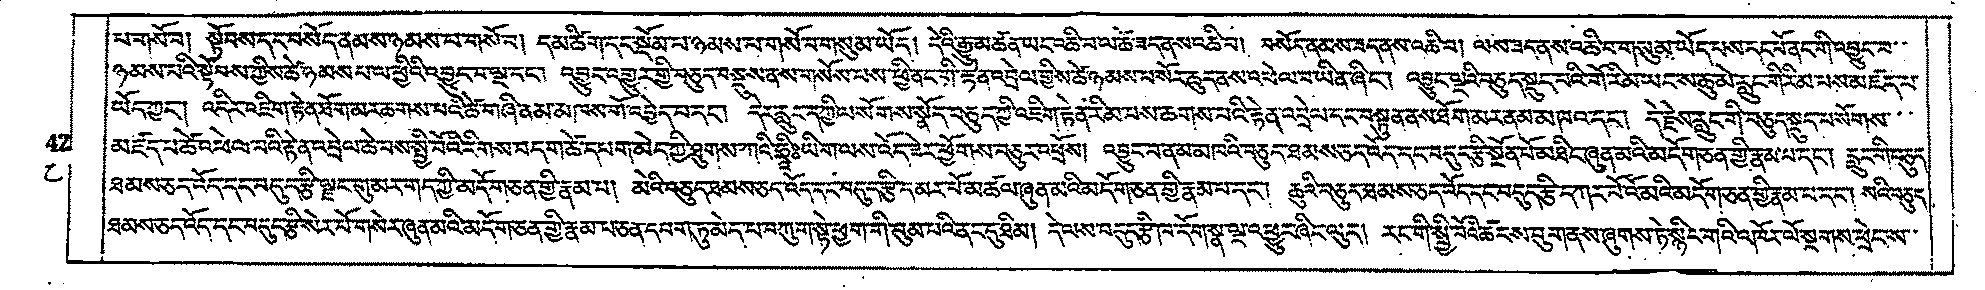པ་གསོ་བ། སྟོབས་དང་བསོད་ནམས་ཉམས་པ་གསོ་བ། དམ་ཚིག་དང་སྡོམ་པ་ཉམས་པ་གསོ་བ་གསུམ་ཡོད། དེའི་རྒྱུ་མཚན་ཡང་འཆི་བ་ལ་ཚེ་ཟད་ནས་འཆི་བ། བསོད་ནམས་ཟད་ནས་འཆི་བ། ལས་ཟད་ནས་འཆི་བ་གསུམ་ཡོད་པས་དང་པོ་ནང་གི་འབྱུང་བ་་་
ཉམས་པའི་སྟོབས་ཀྱིས་ཚེ་ཉམས་པ་ལ་ཕྱིའི་འབྱུང་བ་ལྔ་དང་། འབྱུང་འགྱུར་གྱི་བཅུད་བསྡུས་ནས་གསོས་པས་ཕྱི་ནང་གི་རྟེན་འབྲེལ་གྱིས་ཚེ་ཉམས་པ་སོར་ཆུད་ནས་འཕེལ་བ་ཡིན་ཞིང་། འབྱུང་ལྔའི་བཅུད་སྡུད་པའི་གོ་རིམ་ཡང་ས་ཆུ་མེ་རླུང་གི་རིམ་པས་མཛད་པ་
ཡོད་ཀྱང་། འདིར་འཇིག་རྟེན་ཐོག་མར་ཆགས་པའི་ཚེ་བཞི་ནམ་མཁས་གོ་འབྱེད་པ་དང་། དེར་རླུང་དཀྱིལ་སོགས་སྣོད་བཅུད་ཀྱི་འཇིག་རྟེན་རིམ་པས་ཆགས་པའི་རྟེན་འབྲེལ་དང་བསྟུན་ནས་ཐོག་མར་ནམ་མཁའ་དང་། དེ་རྗེས་རླུང་གི་བཅུད་སྡུད་པ་སོགས་་་
མཛད་པ་ཚེ་འཕེལ་བའི་རྟེན་འབྲེལ་ཆེ་བས་སྤྱི་བོའི་རིགས་བདག་ཚེ་དཔག་མེད་ཀྱི་ཐུགས་ཀའི་ཧྲཱིཿ ཡིག་ལས་འོད་ཟེར་ཕྱོགས་བཅུར་འཕྲོས། འབྱུང་བ་ནམ་མཁའི་བཅུད་ཐམས་ཅད་འོད་དང་བདུད་རྩི་སྔོན་པོ་མཐིང་ཞུན་མའི་མདོག་ཅན་གྱི་རྣམ་པ་དང་། རླུང་གི་བཅུད་
ཐམས་ཅད་འོད་དང་བདུད་རྩི་ལྗང་གུ་མར་གད་ཀྱི་མདོག་ཅན་གྱི་རྣམ་པ། མེའི་བཅུད་ཐམས་ཅད་འོད་དང་བདུད་རྩི་དམར་པོ་མཚལ་ཞུན་མའི་མདོག་ཅན་གྱི་རྣམ་པ་དང་། ཆུའི་བཅུད་ཐམས་ཅད་འོད་དང་བདུད་རྩི་དཀར་པོའི་མའི་མདོག་ཅན་གྱི་རྣམ་པ་དང་། སའི་བཅུད་
ཐམས་ཅད་འོད་དང་བདུད་རྩི་སེར་པོ་གསེར་ཞུན་མའི་མདོག་ཅན་གྱི་རྣམ་པ་ཅན་ལ་དཔག་ཏུ་མེད་པ་བཀུག་སྟེ་ཕྱག་གི་བུམ་པའི་ནང་དུ་ཐིམ། དེ་ལས་བདུད་རྩི་ཁ་དོག་སྣ་ལྔ་འཕྱུར་ཞིང་ལུད། རང་གི་སྤྱི་བོའི་ཚངས་བུ་གནས་ཞུགས་ཏེ་སྙིང་གའི་འཁོར་ལོ་སྔགས་ཕྲེང་ས་་་